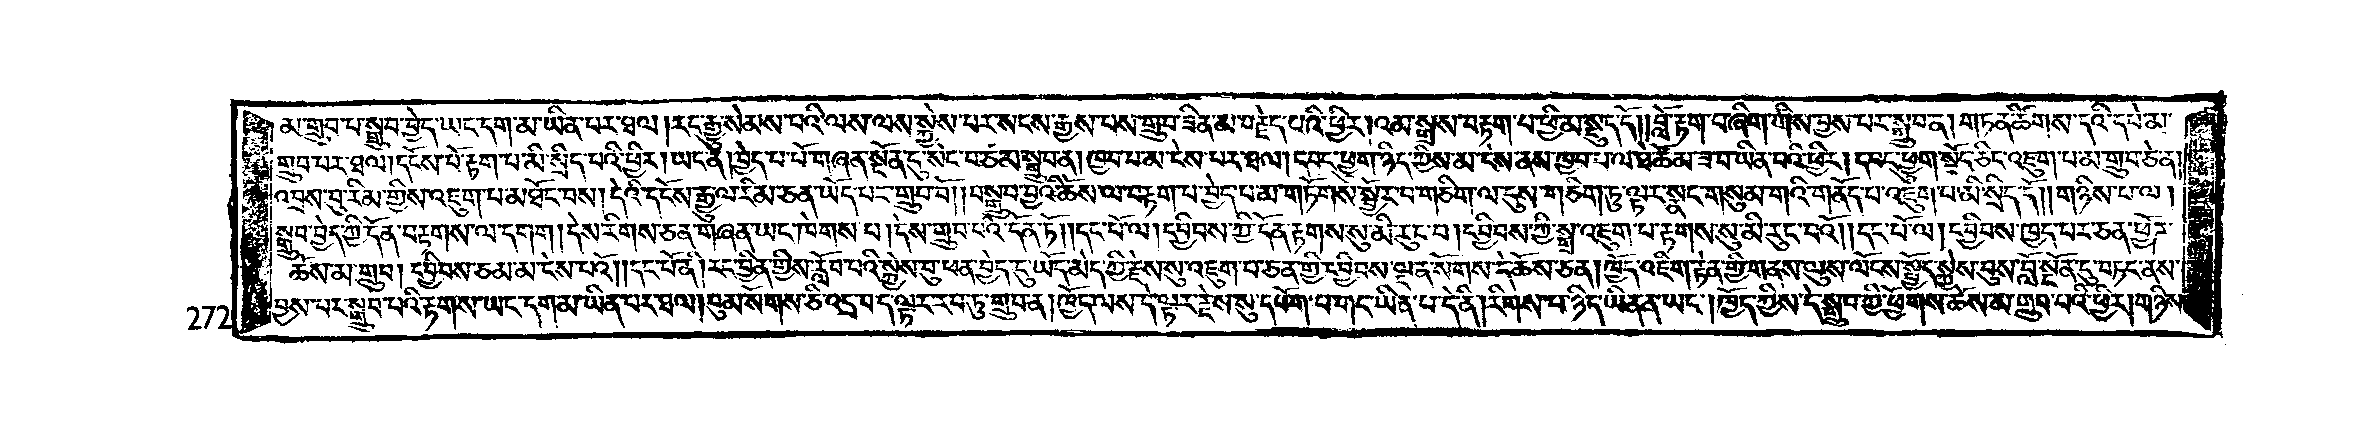མ་གྲུབ་པ་སྒྲུབ་བྱེད་ཡང་དག་མ་ཡིན་པར་ཐལ། རང་རྒྱུ་སེམས་པའི་ལས་ལས་སྐྱེས་པར་སངས་རྒྱས་པས་གྲུབ་ཟིན་མ་བརྗེད་པའི་ཕྱིར། འམ་སྒྲས་བརྟག་པ་ཕྱི་མ་སྡུད་དོ། །བློ་རྟག་པ་ཞིག་གིས་བྱས་པར་སྒྲུབ་ན། གཏན་ཚིགས་དེའི་དཔེ་མ་
གྲུབ་པར་ཐལ། དངོས་པོ་རྟག་པ་མི་སྲིད་པའི་ཕྱིར། ཡང་ན། བྱེད་པ་པོ་གཞན་སྔོན་དུ་སོང་བ་ཙམ་སྒྲུབ་ན། ཁྱབ་པ་མ་ངེས་པར་ཐལ། དབང་ཕྱུག་ཉིད་ཀྱིས་མ་ངེས་ནས་ཁྱབ་པ་ལ་ཐེ་ཚོམ་ཟ་བ་ཡིན་པའི་ཕྱིར། དབང་ཕྱུག་སྡོད་ཅིང་འཇུག་པ་མ་གྲུབ་ཅེ་ན།
འབྲས་བུ་རིམ་གྱིས་འཇུག་པ་མཐོང་བས། དེའི་དངོས་རྒྱུ་ལ་རིམ་ཅན་ཡོད་པར་གྲུབ་བོ། །བསྒྲུབ་བྱའི་ཆོས་ལ་བརྟག་པ་བྱེད་པ་མ་གཏོགས་སྦྱོར་བ་གཅིག་ལ་དུས་གཅིག་ཏུ་ལྟར་སྣང་གསུམ་གའི་གནོད་པ་འཇུག་པ་མི་སྲིད་དོ། །གཉིས་པ་ལ།
སྒྲུབ་བྱེད་ཀྱི་དོན་བརྟགས་ལ་དགག། དེས་རིགས་ཅན་གཞན་ཡང་ཁེགས་པ། དེས་གྲུབ་པའི་དོན་ཏོ། །དང་པོ་ལ། དབྱིབས་ཀྱི་དོན་རྟགས་སུ་མི་རུང་བ། དབྱིབས་ཀྱི་སྒྲ་འཇུག་པ་རྟགས་སུ་མི་རུང་བའོ། །དང་པོ་ལ། དབྱིབས་ཁྱད་པར་ཅན་ཕྱོགས་
ཆོས་མ་གྲུབ། དབྱིབས་ཙམ་མ་ངེས་པའོ། །དང་པོ་ནི། རང་བྱིན་གྱིས་རློབ་པའི་སྐྱེས་བུ་ཕན་བྱེད་དུ་ཡོད་མེད་ཀྱི་རྗེས་སུ་འཇུག་པ་ཅན་གྱི་དབྱིབས་ལྡན་སོགས་དེ་ཆོས་ཅན། ཁྱོད་འཇིག་རྟེན་གྱི་གནས་ལུས་ལོངས་སྤྱོད་སྐྱེས་བུས་བློ་སྔོན་དུ་བཏང་ནས་
བྱས་པར་སྒྲུབ་པའི་རྟགས་ཡང་དག་མ་ཡིན་པར་ཐལ། བུམ་སོགས་ཅི་འདྲ་བ་དེ་ལྟར་རབ་ཏུ་གྲུབ་ན། ཁྱོད་ལས་དེ་ལྟར་རྗེས་སུ་དཔོག་པ་གང་ཡིན་པ་དེ་ནི། རིགས་པ་ཉིད་ཡིན་ན་ཡང་། ཁྱོད་ཀྱིས་དེ་སྒྲུབ་ཀྱི་ཕྱོགས་ཆོས་མ་གྲུབ་པའི་ཕྱིར། གཉིས་